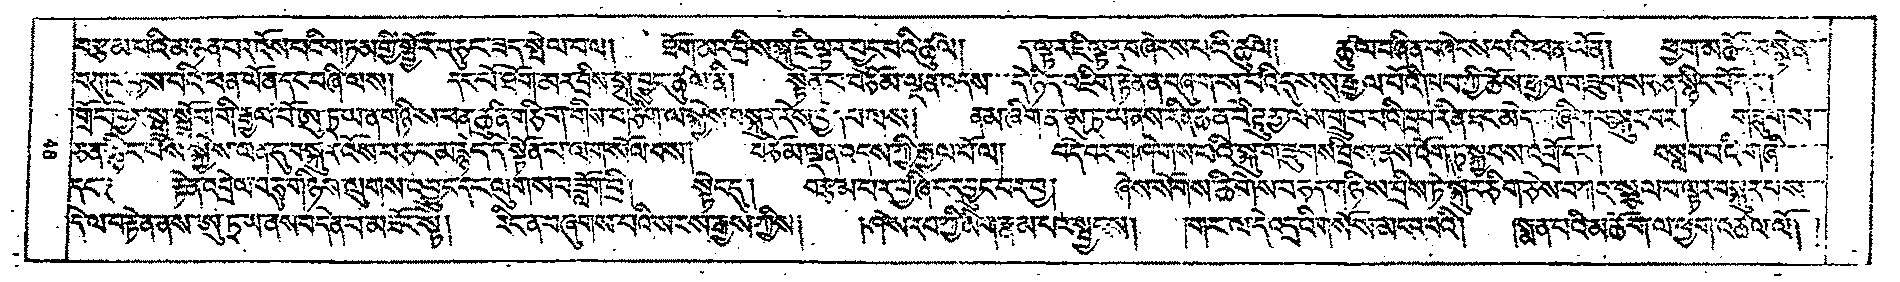བརྩམ་པའི་མཉན་པར་འོས་པའི་གཏམ་གྱི་སྦྱོར་བ་ཅུང་ཟད་སྤེལ་བ་ལ། ཐོག་མར་བྲིས་སྐུ་ཇི་ལྟར་བྱུང་བའི་ཚུལ། ད་ལྟར་ཇི་ལྟར་བཞེངས་པའི་ཚུལ། ཚུལ་བཞིན་བཞེངས་པའི་ཕན་ཡོན། ཕྱག་མཆོད་བསྙེན་
བཀུར་བྱས་པའི་ཕན་ཡོན་དང་བཞི་ལས། དང་པོ་ཐོག་མར་བྲིས་སྐུ་བྱུང་ཚུལ་ནི། སྟོན་པ་བཅོམ་ལྡན་འདས་དེ་ཉིད་འཇིག་རྟེན་ན་བཞུགས་པའི་དུས་སུ་རྒྱལ་པོའི་ཁབ་ཀྱི་ཆོས་རྒྱལ་གཟུགས་ཅན་སྙིང་པོ་དང་།
གྲོང་ཁྱེར་སྒྲ་སྒྲོག་གི་རྒྱལ་པོ་ཨུ་ཏྲ་ཡ་ན་གཉིས་ཕན་ཚུན་གཅིག་གིས་གཅིག་ལ་སྐྱེས་བསྐུར་རེས་བྱེད་པ་ལས། ནམ་ཞིག་ན་ཨུ་ཏྲ་ཡ་ནས་རིན་ཆེན་བཻཌཱུརྱ་ལས་གྲུབ་པའི་ཁྲབ་རིན་ཐང་མེད་པ་ཞིག་བསྐུར་བར། གཟུགས་
ཅན་སྙིང་པོས་སྐྱེས་ལན་དུ་བསྐུར་འོས་པ་ཅང་མ་རྙེད་དེ་སྟོན་པ་ལ་གསོལ་བས། བཅོམ་ལྡན་འདས་ཀྱི་རྒྱལ་པོ་ལ། བདེ་བར་གཤེགས་པའི་སྐུ་གཟུགས་བྲིས་ནས་འོག་ཏུ་སྐྱབས་འགྲོ་དང་། བསླབ་པའི་གཞི་
དང་། རྟེན་འབྲེལ་བཅུ་གཉིས་ལུགས་འབྱུང་དང་ལུགས་བཟློག་བྲི། སྟེང་དུ། བརྩམ་པར་བྱ་ཞིང་དབྱུང་བར་བྱ། ཞེས་སོགས་ཚིགས་བཅད་གཉིས་བྲིས་ཏེ་སྐུར་ཅིག་ཅེས་བཀའ་སྩལ་བ་ལྟར་བསྐུར་པས་
དེ་ལ་བརྟེན་ནས་ཨུ་ཏྲ་ཡ་ནས་བདེན་པ་མཐོང་སྟེ། རིང་ན་བཞུགས་པའི་སངས་རྒྱས་ཀྱིས། །ཤེས་རབ་ཀྱི་མིག་རྣམ་པར་སྦྱངས། །གང་ལ་དེ་འདྲའི་གསོས་མངའ་བའི། །སྨན་པའི་མཆོག་ལ་ཕྱག་འཚལ་ལོ། །